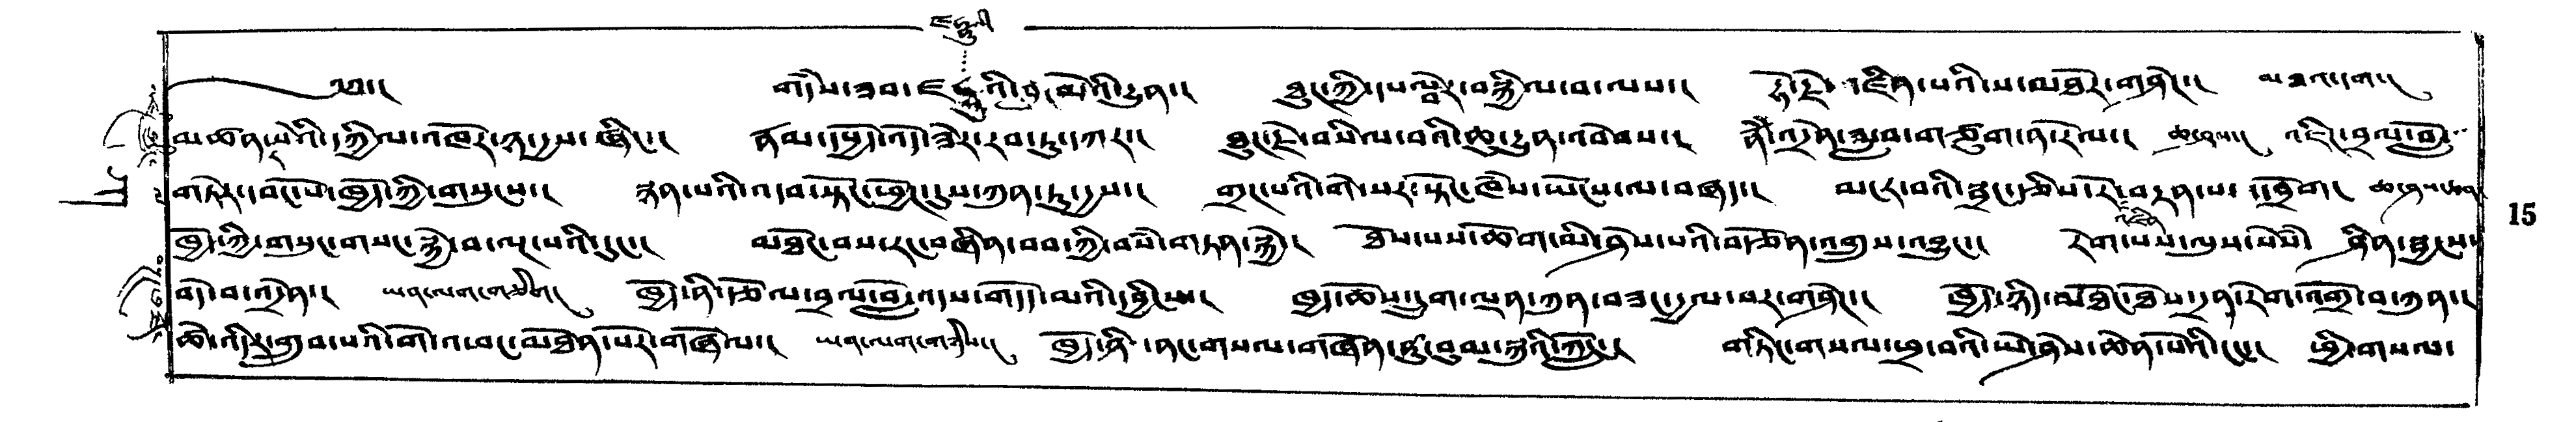གདམས་ཟབ་ཛ་ཧཱུའི་རྒྱུན། །ཐུགས་ཀྱི་དཔལ་བེར་བསྐྱིལ་བ་ལས། །རྡོ་རྗེ་འཛིན་པའི་ས་མཐོར་གཤེགས། ། མཐའ་དག 
མཚན་དཔེའི་དཀྱིལ་འཁོར་ཉ་རྒྱས་ཞིང་། །རྣམ་དཔྱོད་འོད་ཟེར་རབ་ཏུ་དཀར། །ཐུགས་རྗེས་བསིལ་བའི་ཆུ་རྒྱུན་འབེབས། །རྣམ་འདྲེན་ཟླ་བ་གཙུག་ན་རོལ། ། ཆ་ཤས། འཇིགས་བྲལ་བློ་
གཏེར་དབང་པོ་ཁྱོད་ཀྱི་གསུང་། །སྙན་པའི་འདབ་སྟོང་ཕྱོགས་དུས་ཀུན་ཏུ་རྒྱས། །གྲགས་པའི་གེ་སར་སྟོང་ཁམས་ཡོངས་ལ་བཞད། །མངར་བའི་སྦྲང་རྩིས་རོ་འཛིན་བརྟན་པ་འཕྲོག ། ཆ་ཤས་ཅན།
 ཁྱོད་ཀྱི་གསུང་གསང་སྐྱེ་བ་ལྔ་པའི་དུང་། །མཐོང་བས་རང་བཞིན་བབས་ཀྱི་བསམ་གཏན་སྐྱེ། །ཐོས་པས་ཆོག་མི་ཤེས་པའི་བརྩོན་འགྲུས་འབྱུང་། །རེག་པས་ལུས་སེམས་ཤིན་སྦྱངས་
བདེ་བ་འདྲེན། ། ཡན་ལག་གཅིག ཁྱོད་ནི་རྩོལ་བྲལ་བློ་འདས་གདོད་མའི་དབྱིངས། །ཁྱད་ཆོས་དྲུག་ལྡན་ཀུན་བཟང་རྒྱལ་སར་གཤེགས། །ཁྱོད་ཉིད་མཐོང་ཐོས་དྲན་རེག་འགྲོ་བ་ཀུན། །
ཚེ་འདིར་གྲུབ་པའི་གོ་འཕང་མཐོན་པོར་གཞོལ། ། ཡན་ལག་གཉིས། ཁྱོད་ནི་ནང་གསལ་གཞོན་ནུ་བུམ་སྐུའི་ཀློང་། །གཏིང་གསལ་ཕྲ་བའི་ཡེ་ཤེས་ཆེན་པོའི་ངང་། །ཕྱི་གསལ་